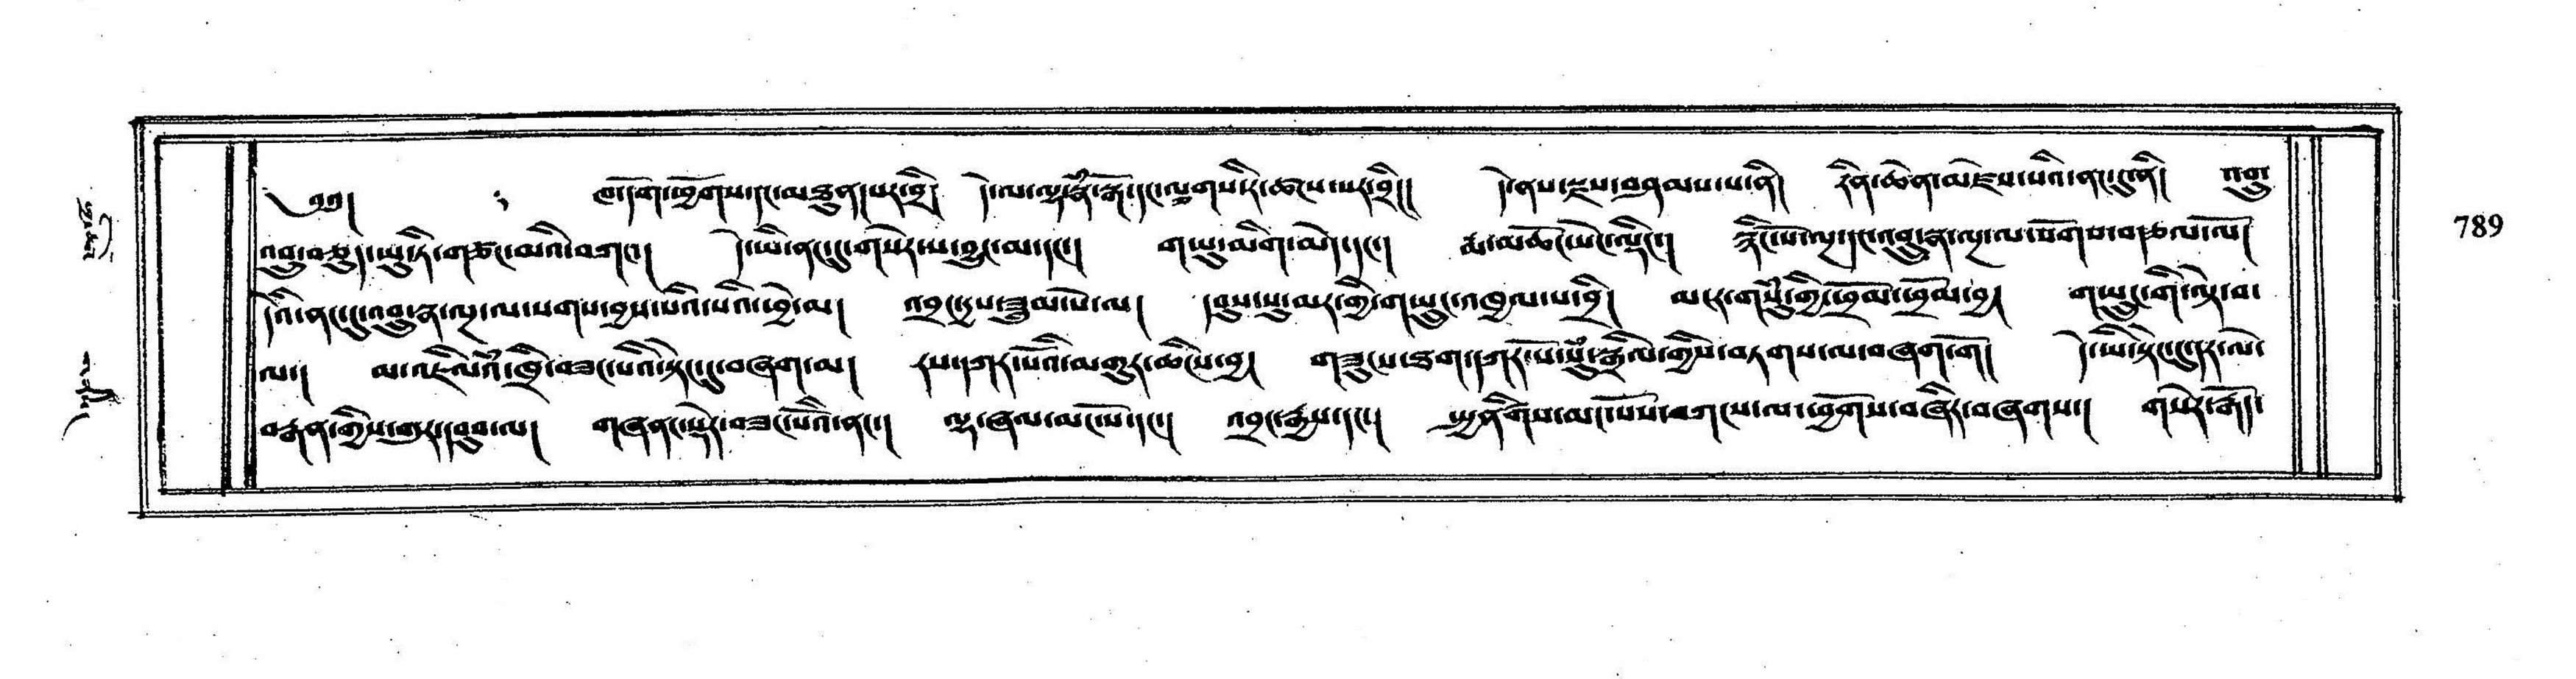ཁ་དོག་ཕྱོགས་དང་མཐུན་པར་བྲི། དེ་ལ་ལྷ་སྣམ་སྒོ་དང་ལྕགས་རི་ཚངས་པར་བྲི།། དེ་ནས་རྫས་བཤམས་པ་ནི། རིན་ཆེན་མཛེས་པའི་ནང་དུ་ནི། འབྲུ་
བཅུད་ཡུ་ཏི་གཙང་མའི་བཀང་། དེ་ཡི་ནང་དུ་གསེར་ས་བྱུང་མ་དང་། གཡུ་མིག་མེད་དང་། རྨ་མཆོང་སེང་ལྡིང་། སྙིང་པོ་ལྔ་དང་འབྲུ་སྣ་ལྔ་ལ་སོགས་བརྩལ་ལོ། 
དེའི་ནང་དུ་འབྲུ་སྣ་ལྔ་ལ་སོགས་བྱས་པའི་ཕྱེ་མ། འབྲང་རྒྱས་ཟླུམ་པོ་ལ། དབུས་སུ་མར་གྱི་གཡུང་དྲུང་འཁྱིལ་པ་བྲི། མངར་གསུམ་གྱི་ཕྲོམ་ཕྲོམ་བྱ། གཡུང་དྲུང་གི་ལྟེ་བ་
ལ། མ་འཇིལ་འམ་ཁྲི་བཟང་པའི་སྟེང་དུ་བཞག་ལ། རས་དཀར་པོའི་མགུར་ཆིངས་བྱ། གཟུངས་ཐག་དཀར་པོ་སུམ་སྒྲིལ་གྱིས་བཏགས་ལ་བཞག་གོ དེ་ཡི་སྟེང་དུ་དར་ལེ་
བརྒན་གྱིས་གུར་དབུབ་ལ། གཞན་ཡང་སྡེར་བཟང་པོའི་ནང་། ལྷ་ཞལ་མང་པོ་དང་། འབྲང་རྒྱས་དང་། སྤྱན་གཟིགས་མང་པོས་བཀངས་ལ་ཕྱོགས་བཞིར་བཞག། གསེར་རྒོད་